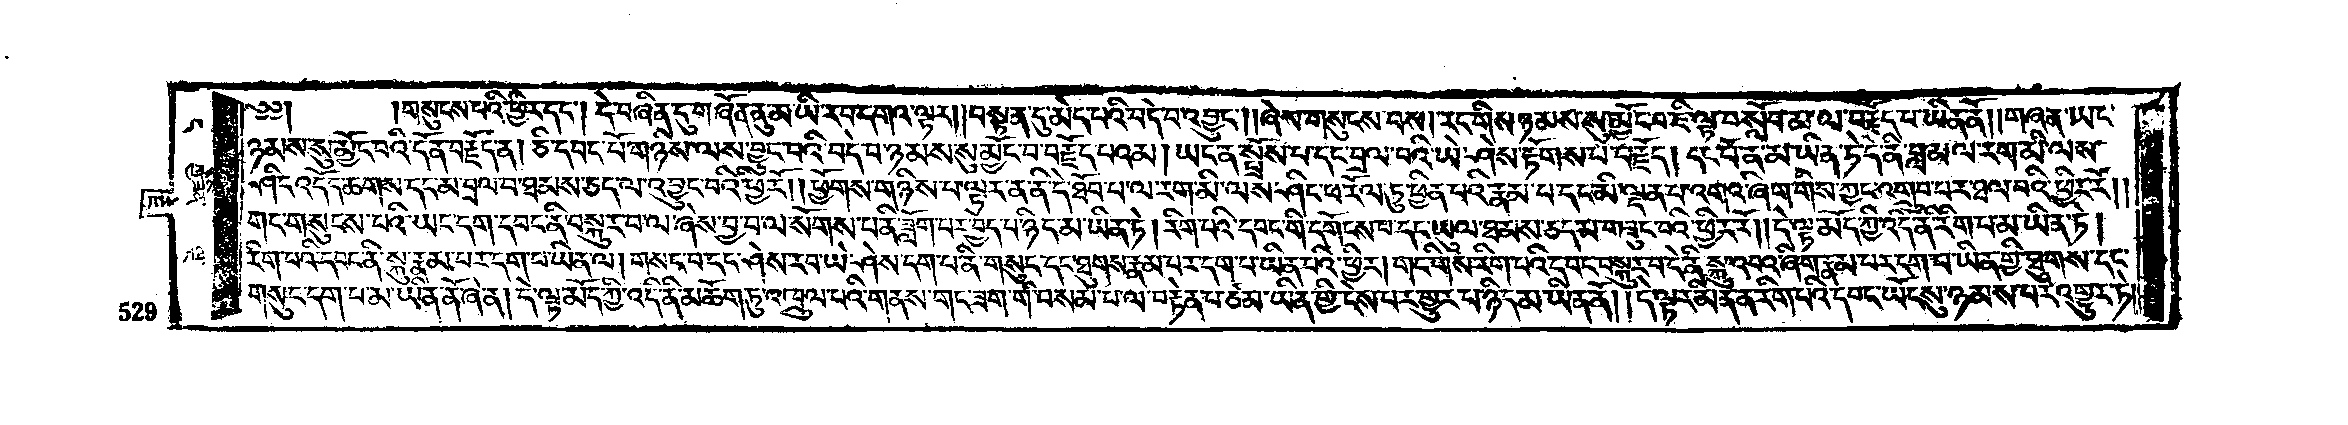༄༅། །གསུངས་པའི་ཕྱིར་དང་། དེ་བཞིན་དུ་གཞོན་ནུ་མ་ཡི་རབ་དགའ་ལྟར། །བསྟན་དུ་མེད་པའི་བདེ་བ་འབྱུང་། །ཞེས་གསུངས་པས། རང་གིས་ཉམས་སུ་མྱོང་བ་ཇི་ལྟ་བ་སློབ་མ་ལ་བརྗོད་པ་ཡིན་ནོ། །གཞན་ཡང་
ཉམས་སུ་མྱོང་བའི་དོན་བརྗོད་ན། ཅི་དབང་པོ་གཉིས་ལས་བྱུང་བའི་བདེ་བ་ཉམས་སུ་མྱོང་བ་བརྗོད་པའམ། ཡང་ན་སྤྲོས་པ་དང་བྲལ་བའི་ཡེ་ཤེས་རྟོགས་པ་བརྗོད། དང་པོ་ན་མ་ཡིན་ཏེ་དེ་ནི་བླ་མ་ལ་རག་མི་ལས་
ཤིང་འདོད་ཆགས་དང་མ་བྲལ་བ་ཐམས་ཅད་ལ་འབྱུང་བའི་ཕྱིར་རོ། །ཕྱོགས་གཉིས་པ་ལྟར་ན་ནི་དེ་ཐོབ་པ་ལ་རག་མི་ལས་ཤིང་ཕ་རོལ་ཏུ་ཕྱིན་པའི་རྣམ་པ་དང་མི་ལྡན་པ་འགའ་ཞིག་གིས་ཀྱང་འགྲུབ་པར་ཐལ་བའི་ཕྱིར་རོ།
གང་གསུངས་པའི་ཡང་དག་དབང་ནི་བསྐུར་བ་ལ་ཞེས་བྱ་བ་ལ་སོགས་པ་ནི་ཟློག་པར་བྱེད་པ་ཉིད་མ་ཡིན་ཏེ། རིག་པའི་དབང་གི་དགོངས་པ་དང་ཡུལ་ཐམས་ཅད་མ་གཟུང་བའི་ཕྱིར་རོ། །དེ་ལྟ་མོད་ཀྱི་འདི་ནི་རིག་པ་མ་ཡིན་ཏེ།
རིག་པའི་དབང་ནི་སྐུ་རྣམ་པར་དག་པ་ཡིན་ལ། གསང་བ་དང་ཤེས་རབ་ཡེ་ཤེས་དག་པ་ནི་གསུང་དང་ཐུགས་རྣམ་པར་དག་པ་ཡིན་པའི་ཕྱིར། གང་གིས་རིག་པའི་དབང་བསྐུར་བ་དེ་ནི་སྐུ་འབའ་ཞིག་རྣམ་པར་དག་པ་ཡིན་གྱི་ཐུགས་དང་
གསུང་དག་པ་མ་ཡིན་ནོ་ཞེ་ན། དེ་ལྟ་མོད་ཀྱི་འདི་ནི་མཆོག་ཏུ་འཁྲུལ་པའི་གནས་གང་ཟག་གི་བསམ་པ་ལ་བརྟེན་པ་ཙམ་ཡིན་གྱི་ངེས་པར་གྱུར་པ་ཉིད་མ་ཡིན་ནོ། །དེ་ལྟར་མིན་ན་རིག་པའི་དབང་ཡོངས་སུ་ཉམས་པར་འགྱུར་ཏེ།